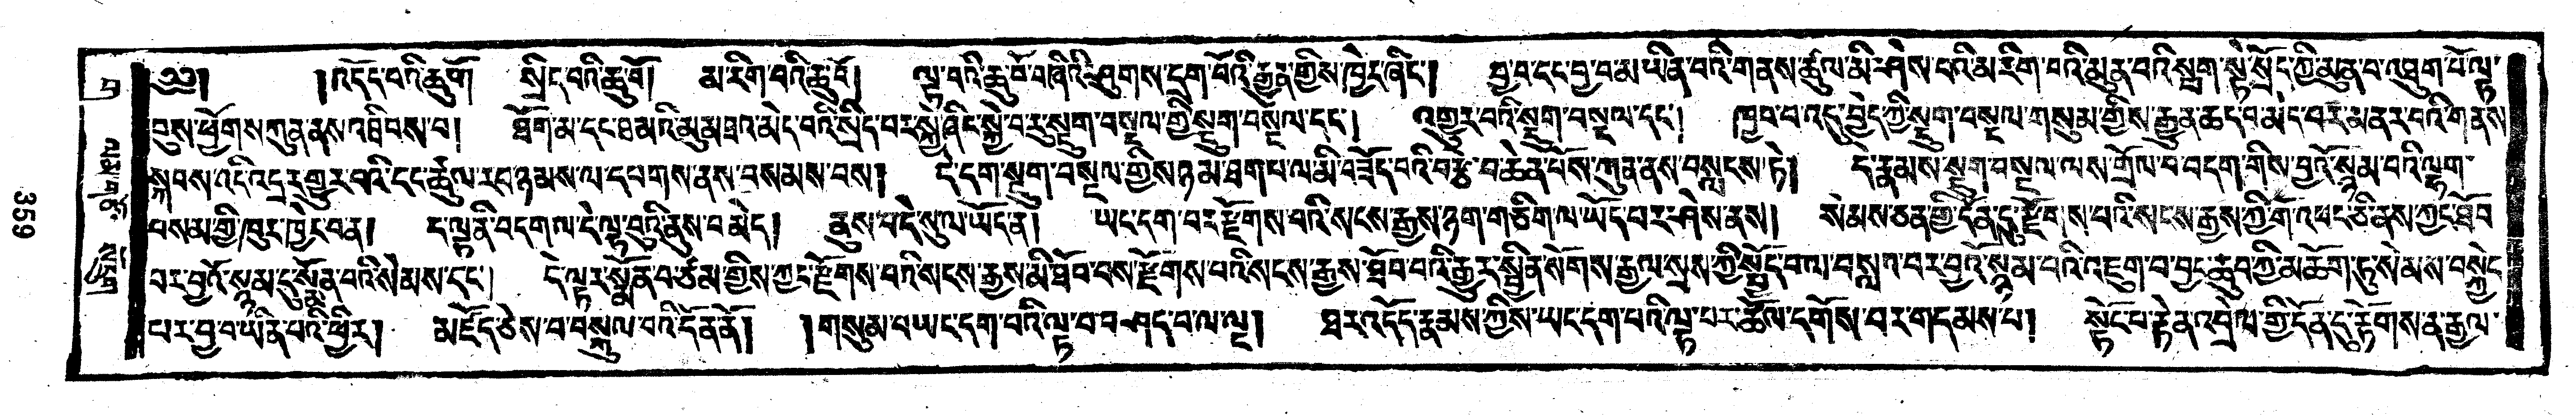༄༅། །འདོད་བའི་ཆུ་གོ་སྲིད་བའི་ཆུ་བོ། །མ་རིག་བའི་ཆུ་བོ། ལྟ་བའི་ཆུ་བོ་བཞིའི་ཤུགས་དྲག་བོའི་རྒྱུན་གྱིས་ཁྱེར་ཞིང་། བྱ་བ་དང་བྱ་བ་མ་ཡིན་བའི་གནས་ཚུལ་མི་ཤེས་པའི་མ་རིག་བའི་མུན་བའི་སྤག་སྟེ་སྲོད་ཀྱི་མུན་བ་འཐུག་པོ་ལྟ་
བུས་ཕྱོགས་ཀུན་ནས་འཐིབས་བ། ཐོག་མ་དང་ཐ་མའི་མུ་མཐའ་མེད་བའི་སྲིད་བར་སྐྱེ་ཞིང་སྐྱེ་བ་རུ་སྡུག་བསྔལ་གྱི་སྡུག་བསྔལ་དང་། འགྱུར་བའི་སྡུག་བསྔལ་དང་། ཁྱབ་བ་འདུ་བྱེད་ཀྱི་སྡུག་བསྔལ་གསུམ་གྱིས་རྒྱུན་ཆད་བ་མེད་བར་མནར་བའི་གནས་
སྐབས་འདི་འདྲར་གྱུར་བའི་དང་ཚུལ་རབ་ཉམས་ལ་དཔགས་ནས་བསམས་བས། དེ་དག་སྡུག་བསྔལ་གྱིས་ཉམ་ཐག་པ་ལ་མི་བཟོད་བའི་བརྩེ་བ་ཆེན་པོས་ཀུན་ནས་བསླངས་ཏེ། དེ་རྣམས་སྡུག་བསྔལ་ལས་གྲོལ་བ་བདག་གིས་བྱའོ་སྙམ་བའི་ལྷག་
བསམ་གྱི་ཁུར་ཁྱེང་བ་ན། ད་ལྟ་ནི་བདག་ལ་དེ་ལྟ་བུའི་ནུས་བ་མེད། ནུས་བདེ་སུ་ལ་ཡོད་ན། ཡང་དག་བར་རྫོགས་བའི་སངས་རྒྱས་ཉག་གཅིག་ལ་ཡོད་པར་ཤེས་ནས། སེམས་ཅན་གྱི་དོན་དུ་རྫོགས་པའི་སངས་རྒྱས་ཀྱི་གོ་འཕང་ཅི་ནས་ཀྱང་ཐོབ་
བར་བྱའོ་སྙམ་དུ་སྨོན་བའི་སེམས་དང་། དེ་ལྟར་སྨོན་བ་ཙམ་གྱིས་ཀྱང་རྫོགས་པའི་སངས་རྒྱས་མི་ཐོབ་བས་རྫོགས་པའི་སངས་རྒྱས་ཐོབ་བའི་རྒྱུར་སྦྱིན་སོགས་རྒྱལ་སྲས་ཀྱི་སྤྱོད་བ་ལ་བསླབ་བར་བྱའོ་སྙམ་བའི་འཇུག་བ་བྱང་ཆུབ་ཀྱི་མཆོག་ཏུ་སེམས་བསྐྱེད་
པར་བྱ་བ་ཡིན་པའི་ཕྱིར། མཛོད་ཅེས་བ་བསྐུལ་བའི་དོན་ནོ། །གསུམ་བ་ཡང་དག་པའི་ལྟ་བ་བཤད་བ་ལ་ལྔ། ཐར་འདོད་རྣམས་ཀྱིས་ཡང་དག་པའི་ལྟ་པར་ཚོལ་དགོས་པར་གདམས་པ། སྟོང་པ་རྟེན་འབྲེལ་གྱི་དོན་དུ་རྟོགས་ན་རྒྱལ་